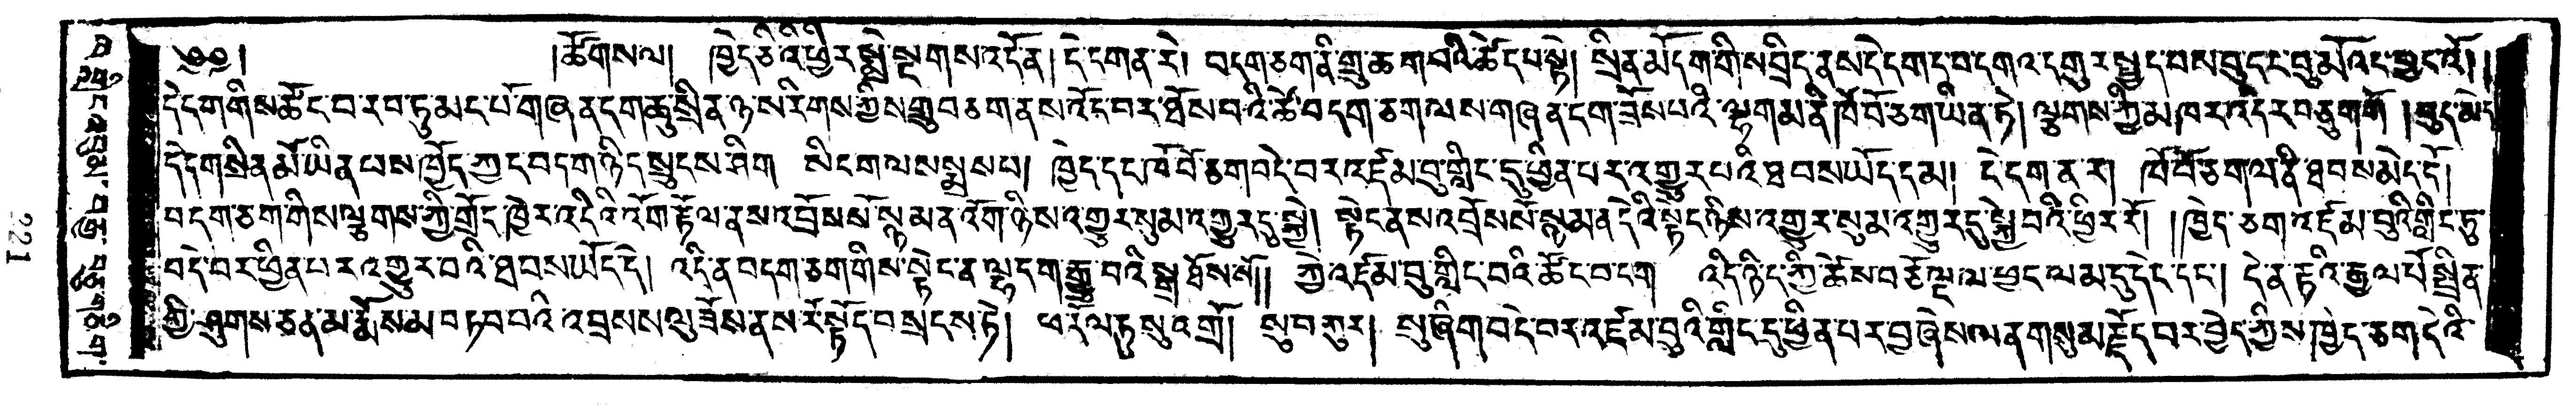༄༅། །ཚོགས་ལ། ཁྱེད་ཅིའི་ཕྱིར་སྨྲེ་སྔགས་འདོན། དེ་དག་ན་རེ། བདག་ཅག་ནི་གྲུ་ཆག་པའི་ཚེད་པ་སྟེ། སྲིན་མདོག་གིས་བྲིང་ནས་དེ་དག་ད་བ་དགའ་དགུར་སྤྱད་པས་བུ་དང་བུ་མོའང་བྱུང་འོ།།
དེ་དག་གིས་ཚོང་བ་རབ་ཏུ་མང་པོ་གཞན་དག་ཆུ་སྲིན་ཉ་ས་རིགས་ཀྱིས་གྲུབ་ཅག་ནས་འོད་བར་ཐོས་པའི་ཚེ་བདག་ཅག་ལས་གཞན་དག་ཟོས་པའི་ལྷག་མ་ནི་ཁོ་བོ་ཅག་ཡིན་ཏེ། ལྕགས་ཀྱི་མཁར་འདིར་བཅུག་གོ །བུད་མེད་
དེ་དག་སྲིན་མོ་ཡིན་པས་ཁྱོད་ཀྱང་བདག་ཉིད་སྲུངས་ཤིག། སི་དག་ལས་སྨྲས་པ། ཁྱེད་དང་ཁོ་བོ་ཅག་བདེ་བར་འཛམ་བུ་གླིང་དུ་ཕྱིན་པར་འགྱུར་པའི་ཐབས་ཡོད་དམ། དེ་དག་ན་རེ། ཁོ་བོ་ཅག་ལ་ནི་ཐབས་མེད་དོ།
བདག་ཅག་གིས་ལྕགས་ཀྱི་གྲོང་ཁྱེར་འདིའི་འོག་རྟོལ་ནས་འབྲོས་སོ་སྙམ་ན་འོག་ཉིས་འགྱུར་སུམ་འགྱུར་དུ་སྐྱེ། སྟེང་ནས་འབྲོས་སོ་སྙམ་ན་དེའི་སྟེང་ཉིས་འགྱུར་སུམ་འགྱུར་དུ་སྐྱེ་བའི་ཕྱིར་རོ། །ཁྱེད་ཅག་འཛམ་བུའི་གླིང་ཏུ་
བདེ་བར་ཕྱིན་པར་འགྱུར་བའི་ཐབས་ཡོད་དེ། འདི་ན་བདག་ཅག་གིས་སྟེང་ན་ལྷ་དག་རྒྱུ་བའི་སྒྲ་ཐོས་སོ།། ཀྱེ་འཛམ་བུ་གླིང་བའི་ཚོང་བ་དག་འདི་ཉིད་ཀྱི་ཚེས་བཅོ་ལྔ་ལ་ཕྱང་ལམ་དུ་དེང་དང་། དེ་ན་རྟའི་རྒྱལ་པོ་སྤྲིན་
གྱི་ཤུགས་ཅན་མ་རྨོས་མ་བཏབ་པའི་འབྲས་ས་ལུ་ཟོས་ནས་རོ་སྟོད་བསྲངས་ཏེ། ཕ་རོལ་ཏུ་སུ་འགྲོ། སུ་བཀུར། སུ་ཞིག་བདེ་བར་འཛམ་བུའི་གླིང་དུ་ཕྱིན་པར་བྱ་ཞེས་ལན་གསུམ་རྗོད་པར་བྱེད་ཀྱིས་ཁྱེད་ཅག་དེའི་